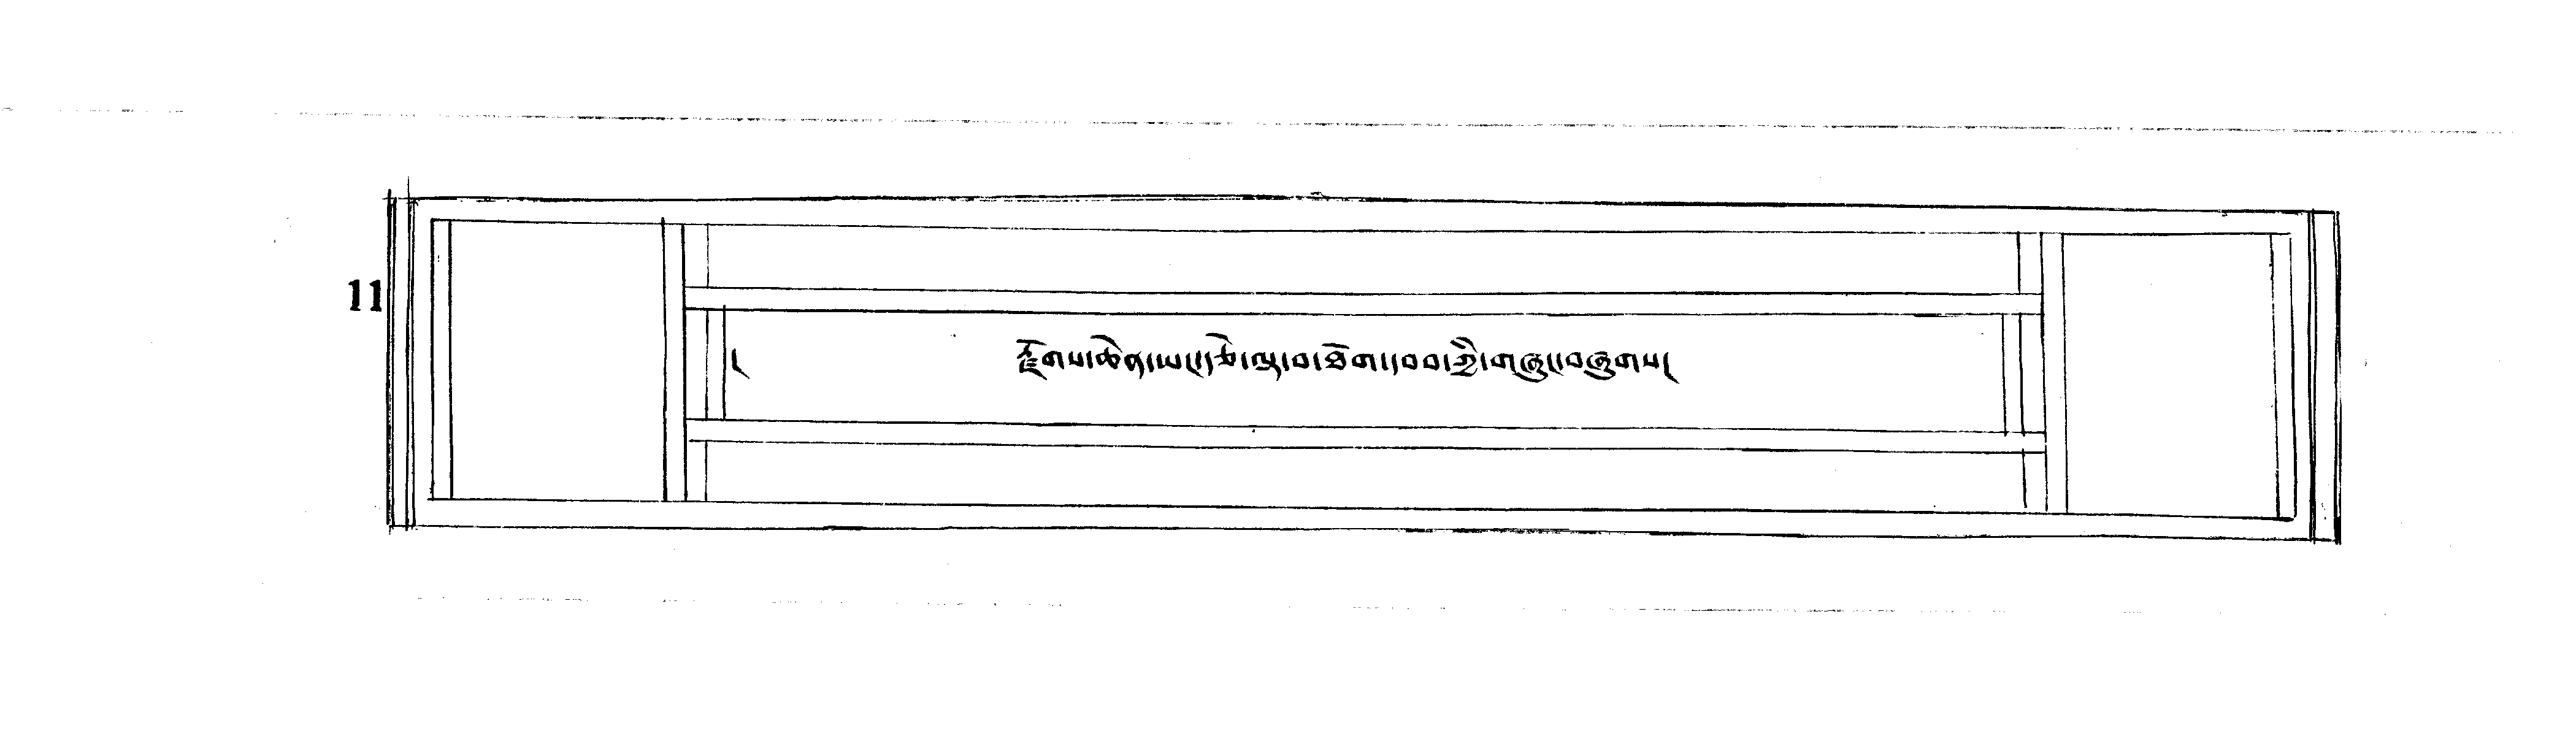རྫོགས་ཆེན་ལྟ་བ་ཐོག་དབབ་ཀྱི་གཞུང་བཞུགས།